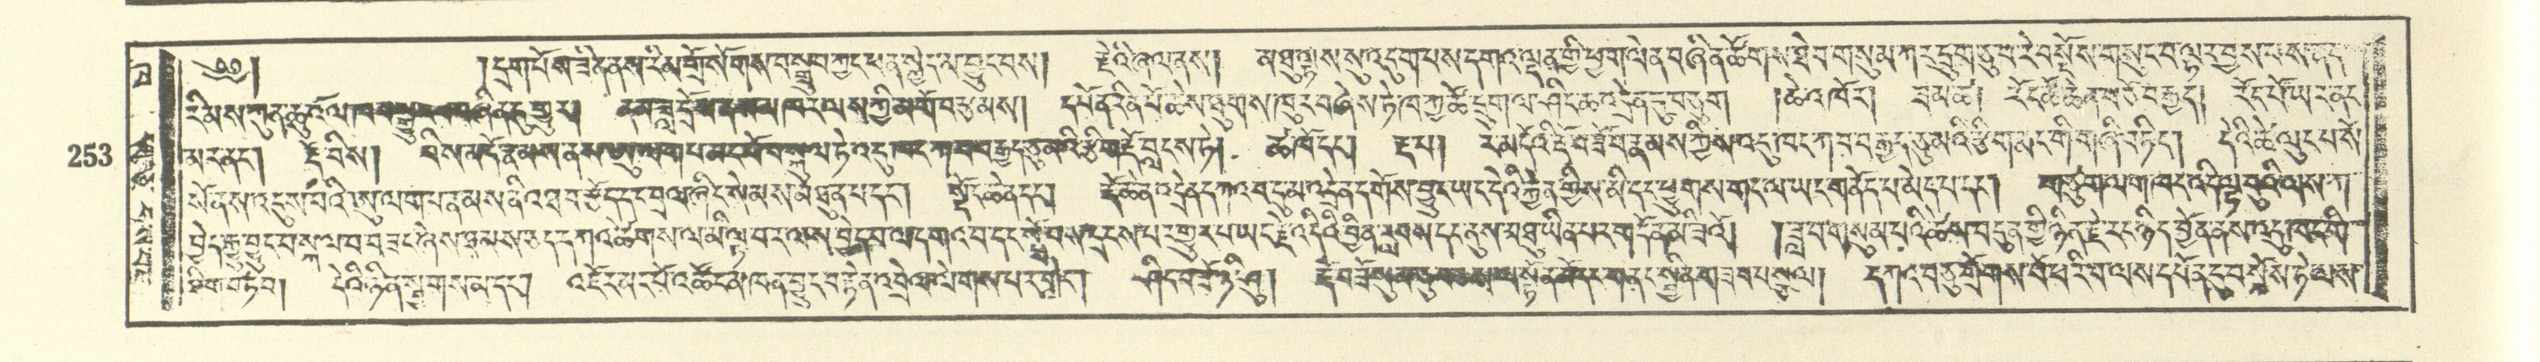༄༅། །དྲག་པོས་ཟིན་ནས་རིམ་གྲོ་སོགས་བསྒྲུབ་ཀྱང་ཕན་སྐྱེད་མ་བྱུང་བས། རྗེའི་ཞལ་ནས། མཐུ་ལྟས་སུ་འདུག་པས་དགའ་ལྡན་གྱི་ཕྱག་ལེན་བཞིན་ཚོགས་ཐེབ་གསུམ་ཀར་དྲུག་ཅུ་པ་རེ་བསྔོས་གསུང་བ་ལྟར་བྱས་པས་ནད་
རིམས་ཀུན་ཆུ་འོལ་ཁ་བསྒྱུར་བ་བཞིན་དུ་གྱུར། ནམ་ཟླ་དྲོས་ནས་མཁར་ལས་ཀྱི་མགོ་བརྩམས། དཔོན་རིན་པོ་ཆེས་ཐུགས་ཁུར་བཞེས་ཏེ་ཁ་ཀྱ་ཚོ་དྲུག་ལ་ཤིང་ཆ་འདྲེན་དུ་བཅུག །ཆེ་འཁོར། ཟམ་ཚ། རོང་ཚོ་ཆེན་བཅོ་བརྒྱད། རོང་པོ་ཡར་ནང་
མར་ནང་། རྡོ་བིས། བིས་མདོ་རྣམས་ནས་ཨུ་ལག་པ་མང་པོ་བསྐུལ་ཏེ་འདུ་ཁང་ཀ་བ་བརྒྱད་ཅུ་མའི་རྩིག་རྡོ་བླངས་ཏེ། ཚ་ཁོ་དང་། རྔ་པ། ར་མདོའི་རྡོ་བཟོ་བ་རྣམས་ཀྱིས་འདུ་ཁང་ཀ་བ་བརྒྱད་ཅུ་མའི་རྩིག་རྨང་གི་གཞི་བཏིང་། དེའི་ཚེ་ལུང་པ་སོ་
སོ་ནས་འདུས་པའི་ཨུ་ལག་པ་རྣམས་ནི་འཐབ་རྩོད་དང་བྲལ་ཞིང་སེམས་མཐུན་པ་དང་། སྡོང་ཆེན་དང་། རྡོ་ཆེན་འདྲེན་དཀའ་བ་དུ་མ་འདྲེན་དགོས་བྱུང་ཡང་དེའི་རྐྱེན་གྱིས་མི་དང་ཕྱུགས་གང་ལ་ཡང་གནོད་པ་མེད་པ་དང་། གཙུག་ལག་ཁང་འདི་ལྟ་བུའི་ལས་ཀ་
བྱེད་རྒྱུ་བྱུང་བསྐལ་བ་བཟང་ཞེས་ཐམས་ཅད་དཀའ་ཚེགས་ལ་མི་ལྟ་བར་ལས་བྱེད་པ་ལ་དགའ་བ་དང་སྤྲོ་བས་དྲངས་པར་གྱུར་པ་ཡང་རྗེ་འདིའི་བྱིན་རླབས་དང་ནུས་མཐུ་ཡིན་པར་གདོན་མི་ཟའོ། །ཟླ་བ་གསུམ་པའི་ཚེས་བདུན་གྱི་ཉིན་རྗེ་རང་ཉིད་བྱོན་ནས་འདུ་ཁང་གི་
ཐིག་བཏབ། དེའི་ཉིན་སྦྱགས་མ་དང་། འཇོར་མང་པོ་འཚོང་མཁན་བྱུང་བརྟེན་འབྲེལ་ལེགས་པར་གླེང་། ཤིང་བཟོ་ཉི་ཤུ། རྡོ་བཟོ་སུམ་ཅུ་བཅས་ལ་སྟོན་མོ་དང་གནང་སྦྱིན་གཟབ་པ་སྩལ། དཀའ་བཅུ་གྲོགས་པོ་ཕ་རི་བ་ལས་དཔོན་དུ་བསྐོས་ཏེ་ལས་